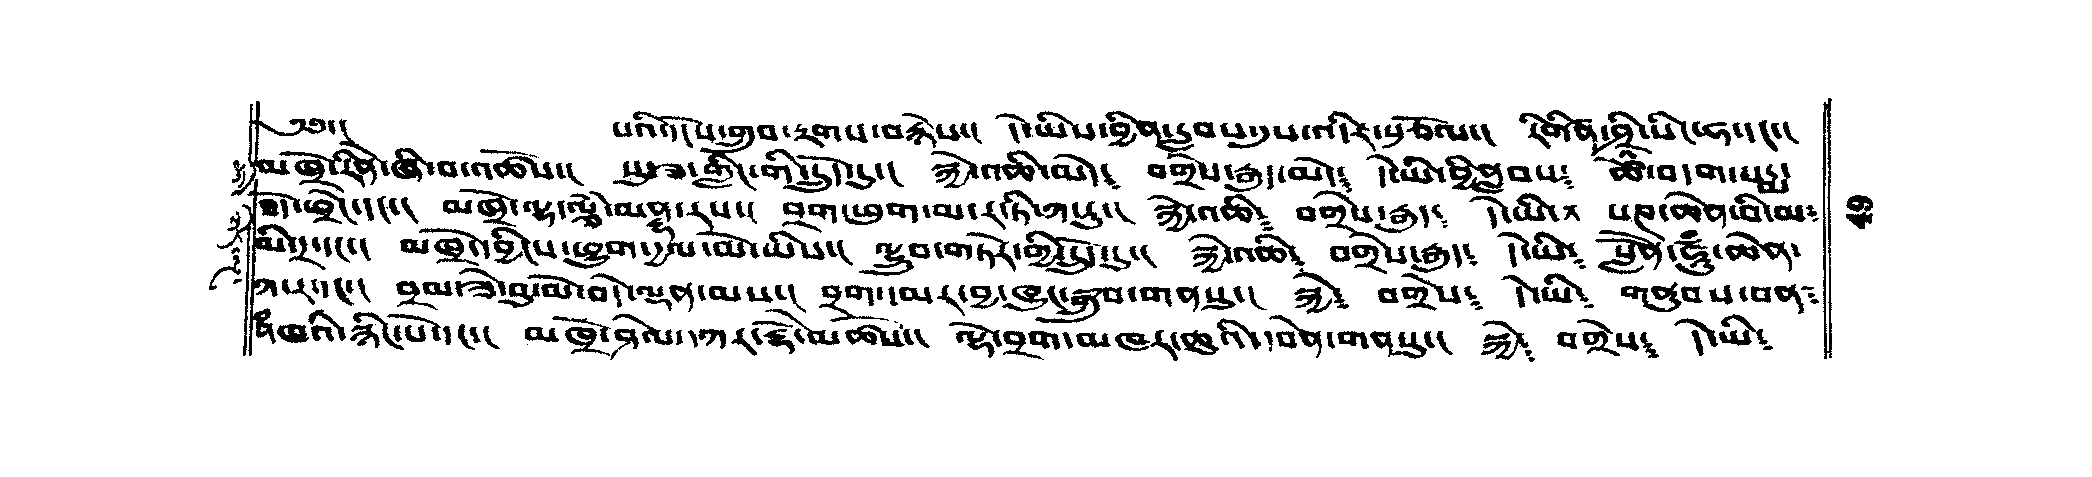པའི་དོངས་གྲུབ་རྟགས་བརྙེས། དེ་ཡིས་བྱིན་རླབས་དུས་འདིར་སྩོལ། རིག་འཛིན་ཤྲཱི་སིང་ཧ་དང་། 
མཁའ་འགྲོ་རིན་ཆེན་ཞི་བ་འཆོས། སོ་ཟ་གླིང་གི་དུར་ཁྲོད་དུ། སྐྱེ་འཆི་མེད༴ བགྲེས་རྒུད་མེད༴ དེ་ཡི་བྱིན་རླབས༴ ཚེ་བདག་པདྨ་
ཐོད་ཕྲེང་དང་། མཁའ་འགྲོ་ལྷ་ལྕམ་མནྡྷ་རས། བྲག་ཕུག་མ་ར་ཏི་ཀ་རུ། སྐྱེ་འཆི༴ བགྲེས་རྒུད༴ དེ་ཡི༴ པཎ་ཆེན་བི་མ༴ 
མི་དྲ་དང་། མཁའ་འགྲོ་དབྱིངས་ཕྱུག་རྒྱལ་མོ་ཡིས། ལྷུན་གྲུབ་གཏོར་གྱི་དུར་ཁྲོད་དུ། སྐྱེ་འཆི༴ བགྲེས་རྒུད༴ དེ་ཡི༴ སློབ་དཔོན་ཧཱུྃ་ཆེན་
ཀ་ར་དང་། བྲམ་ཟེ་བུ་མོ་བདེ་ལྡན་མས། བྲག་དམར་བྱ་ཁྱུང་སྒྲུབ་གནས་སུ། སྐྱེ༴ བགྲེས༴ དེ་ཡི༴ གནུབས་བན༴ 
ནམ་མཁའ་སྙིང་པོ་དང་། མཁའ་འགྲོ་ཤེལ་དཀར་རྡོ་རྗེ་མཚོས། ལྷོ་བྲག་མཁར་ཆུའི་དབེན་གནས་སུ། སྐྱེ༴ བགྲེས༴ དེ་ཡི༴